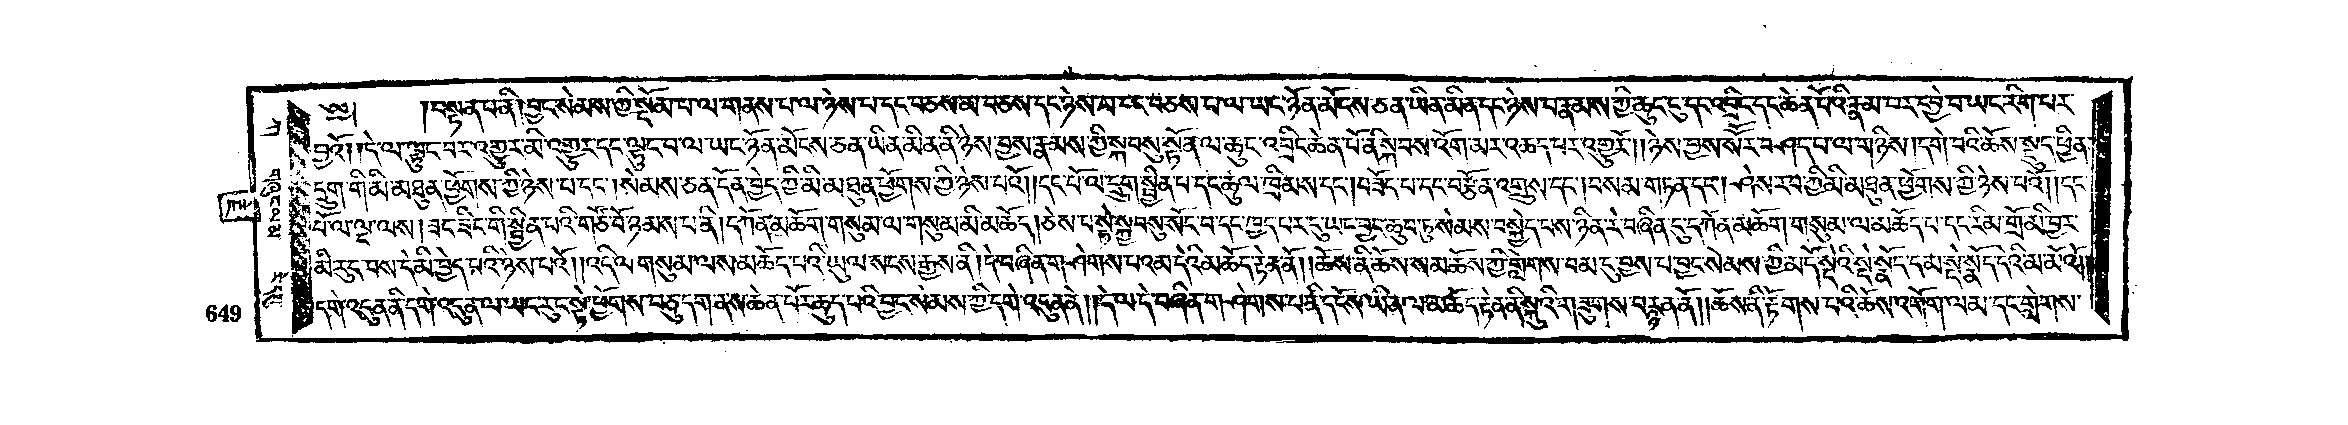༄༅། །བསྟན་པ་ནི། བྱང་སེམས་ཀྱི་སྡོམ་པ་ལ་གནས་པ་ལ་ཉེས་པ་དང་བཅས་མ་བཅས་དང་ཉེས་པ་དང་བཅས་པ་ལ་ཡང་ཉོན་མོངས་ཅན་ཡིན་མིན་དང་ཉེས་པ་རྣམས་ཀྱི་ཆུང་ངུ་དང་འབྲིང་དང་ཆེན་པོའི་རྣམ་པར་དབྱེ་བ་ཡང་རིག་པར་
བྱའོ། །དེ་ལ་ལྟུང་བར་འགྱུར་མི་འགྱུར་དང་ལྟུང་བ་ལ་ཡང་ཉོན་མོངས་ཅན་ཡིན་མིན་ནི་ཉེས་བྱས་རྣམས་ཀྱི་སྐབས་སུ་སྟོན་ལ་ཆུང་འབྲིང་ཆེན་པོ་ནི་སྐབས་འོག་མར་འཆད་པར་འགྱུར་རོ། །ཉེས་བྱས་སཽར་བཤད་པ་ལ་གཉིས། དགེ་བའི་ཆོས་སྡུད་ཕྱིན་
དྲུག་གི་མི་མཐུན་ཕྱོགས་ཀྱི་ཉེས་པ་དང་། སེམས་ཅན་དོན་བྱེད་ཀྱི་མི་མཐུན་ཕྱོགས་ཀྱི་ཉེས་པའོ། །དང་པོ་ལ་དྲུག་སྦྱིན་པ་དང་ཚུལ་ཁྲིམས་དང་། བཟོད་པ་དང་བརྩོན་འགྲུས་དང་། བསམ་གཏན་དང་། ཤེས་རབ་ཀྱི་མི་མཐུན་ཕྱོགས་ཀྱི་ཉེས་པའོ། །དང་
པོ་ལ་ལྔ་ལས། ཟང་ཟིང་གི་སྦྱིན་པའི་གཙོ་བོ་ཉམས་པ་ནི། དཀོན་མཆོག་གསུམ་ལ་གསུམ་མི་མཆོད། ཅེས་པ་སྟེ་སྐྱབས་སུ་སོང་བ་དང་ཁྱད་པར་དུ་ཡང་བྱང་ཆུབ་ཏུ་སེམས་བསྐྱེད་པས་ཉིན་རེ་བཞིན་དུ་དཀོན་མཆོག་གསུམ་ལ་མཆོད་པ་དང་རིམ་གྲོ་མི་བྱར་
མི་རུང་བས་དེ་མི་བྱེད་པའི་ཉེས་པའོ། །འདི་ལ་གསུམ་ལས་མཆོད་པའི་ཡུལ་སངས་རྒྱས་ནི། དེ་བཞིན་གཤེགས་པའམ་དེའི་མཆོད་རྟེན་ནོ། །ཆོས་ནི་ཆོས་སམ་ཆོས་ཀྱི་གླེགས་བམ་དུ་བྱས་པ་བྱང་སེམས་ཀྱི་མདོ་སྡེའི་སྡེ་སྣོད་དམ་སྡེ་སྣོད་དེའི་མ་མོའོ། །
དགེ་འདུན་ནི་དགེ་འདུན་ལ་ཡང་རུང་སྟེ་ཕྱོགས་བཅུ་དག་ནས་ཆེན་པོར་ཆུད་པའི་བྱང་སེམས་ཀྱི་དགེ་འདུན་ནེ། །དེ་ལ་དེ་བཞིན་གཤེགས་པ་ནི་དངོས་ཡིན་ལ་མཆོད་རྟེན་ནི་སྐུའི་གཟུགས་བརྙན་ནོ། །ཆོས་ནི་རྟོགས་པའི་ཆོས་འགོག་ལམ་དང་གླེགས་